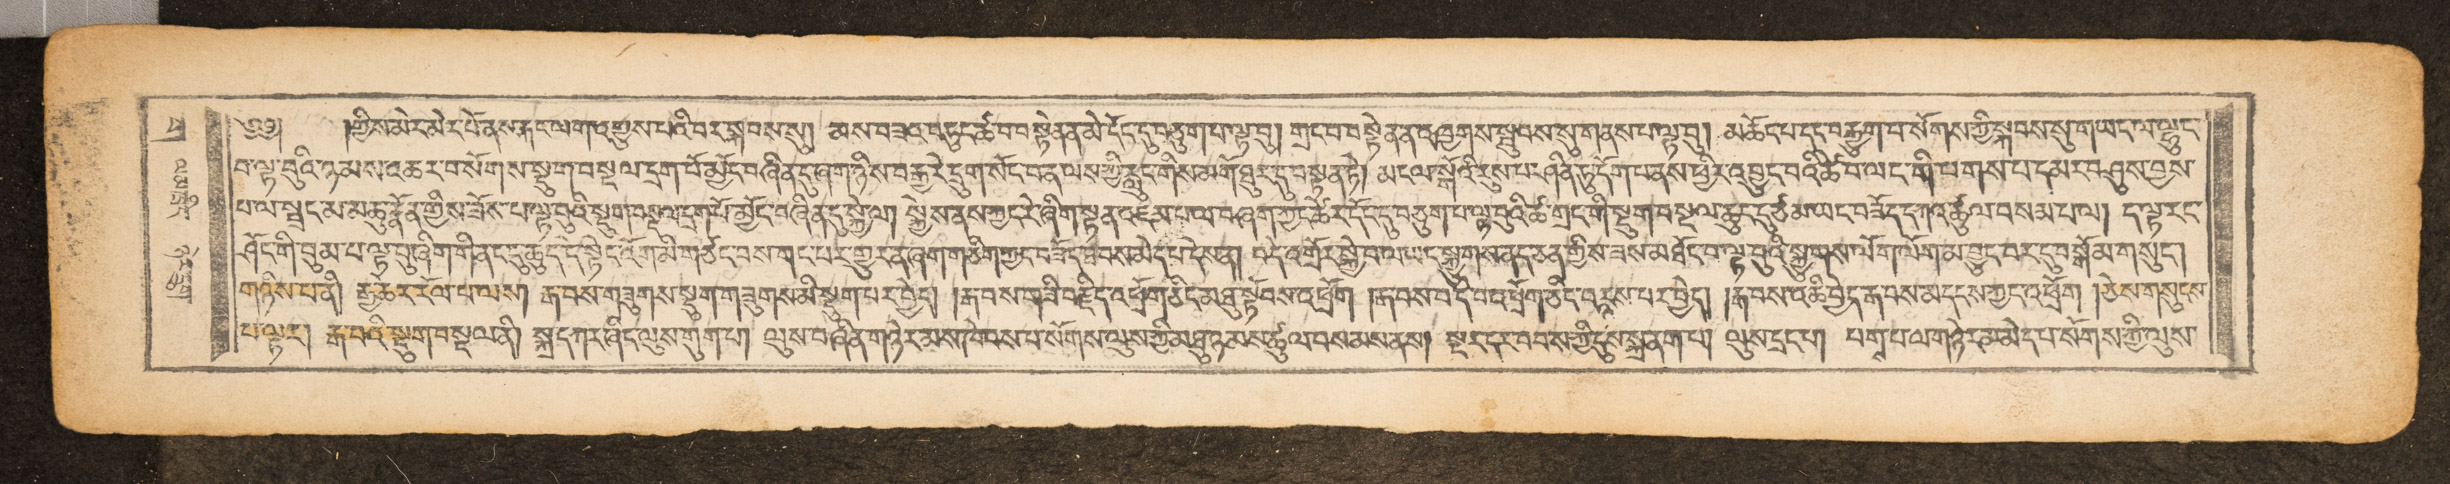༄༅། །གྱིས་མེར་མེར་པོ་ནས་རྐང་ལག་འགྱུས་པའི་བར་སྐབས་སུ། མས་བཟའ་བཏུང་ཚ་བ་བསྟེན་ན་མེ་དོང་དུ་བཅུག་པ་ལྟ་བུ། གྲང་བ་བསྟེན་ན་འཁྱགས་སྦུབས་སུ་གནས་པ་ལྟ་བུ། མཆོད་པ་དང་བརྒྱུག་པ་སོགས་ཀྱི་སྐབས་སུ་གཡང་ལ་ལྷུང་
བ་ལྟ་བུའི་ཉམས་འཆར་བ་སོགས་སྡུག་བསྔལ་དྲག་པོ་མྱོང་བཞིན་དུ་ཞག་ཉིས་བརྒྱ་རེ་དྲུག་སོང་བ་ན་ལས་ཀྱི་རླུང་གིས་མགོ་ཐུར་དུ་བསྟན་ཏེ། མངལ་སྒོའི་རུས་པ་ཤིན་ཏུ་དོག་པ་ནས་ཕྱིར་འབྱུང་བའི་ཚེ་བ་ལང་གི་པགས་པ་དམར་བཤུས་བྱས་
པ་ལ་སྦྲང་མ་མཆུ་རྣོན་གྱིས་ཟོས་པ་ལྟ་བུའི་སྡུག་བསྔལ་དྲག་པོ་མྱོང་བཞིན་དུ་སྐྱེ་ལ། སྐྱེས་ནས་ཀྱང་རེ་ཞིག་སྟན་འཇམ་པ་ལ་བཞག་ཀྱང་ཚོར་དོང་དུ་བཅུག་པ་ལྟ་བུའི་ཚ་གྲང་གི་སྡུག་བསྔལ་ཆུང་ངུ་ཙམ་ཡང་བཟོད་དཀའ་ཚུལ་བསམ་པ་ལ། ད་ལྟ་རང་
ཤོང་གི་བུམ་པ་ལྟ་བུ་ཞིག་གི་ནང་དུ་ཆུད་དེ་སྟེང་འོག་མི་གཙང་བས་གང་པར་གྱུར་ན་ཞག་གཅིག་ཀྱང་བཟོད་ཐབས་མེད་པ་དེས་ན། བདེ་འགྲོར་སྐྱེ་བ་ལ་ཡང་སྐྱུགས་ན་ཅན་གྱིས་ཟས་མཐོང་བ་ལྟ་བུའི་སྐྱུགས་ལོག་ལོག་མ་བྱུང་བར་དུ་བསྒོམ་གསུང་།
གཉིས་པ་ནི། རྒྱ་ཆེར་རོལ་པ་ལས། རྒ་བས་གཟུགས་སྡུག་གཟུགས་མི་སྡུག་པར་བྱེད། །རྒ་བས་གཟི་བརྗིད་འཕྲོག་ཅིང་མཐུ་སྟོབས་འཕྲོག །རྒ་བས་བདེ་བ་འཕྲོག་ཅིང་བརྙས་པར་བྱེད། །རྒ་བས་འཆི་བྱེད་རྒ་བས་མདངས་ཀྱང་འཕྲོག །ཅེས་གསུངས་
པ་ལྟར། རྒ་བའི་སྡུག་བསྔལ་ནི། སྐྲ་དཀར་ཞིང་ལུས་གུག་པ། ལུས་བཞིན་གཉེར་མས་ཁེངས་པ་སོགས་ལུས་ཀྱི་མཐུ་ཉམས་ཚུལ་བསམས་ནས། སྔར་དར་བབས་ཀྱི་དུས་སྐྲ་ནག་པ། ལུས་དྲང་པ། པགས་པ་ལ་གཉེར་མ་མེད་པ་སོགས་ཀྱི་ལུས་